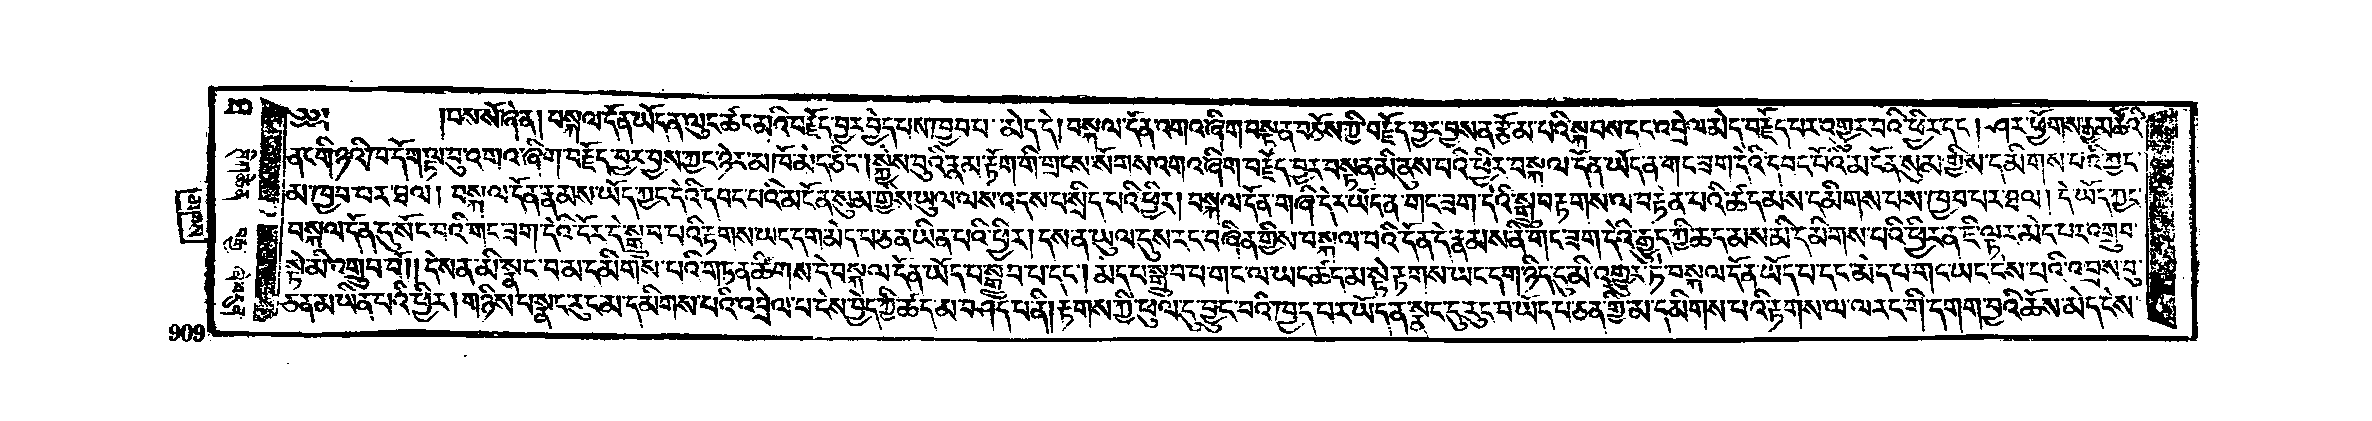༄༅། །པས་སོ་ཞེ་ན། བསྐལ་དོན་ཡོད་ན་ལུང་ཚད་མའི་བརྗོད་བྱར་བྱེད་པས་ཁྱབ་པ་མེད་དེ། བསྐལ་དོན་འགའ་ཞིག་བསྟན་བཅོས་ཀྱི་བརྗོད་བྱར་བྱས་ན་རྩོམ་པའི་སྐབས་དང་འབྲེལ་མེད་བརྗོད་པར་འགྱུར་བའི་ཕྱིར་དང་། ཤར་ཕྱོགས་རྒྱ་མཚོའི་
ནང་གི་ཉའི་ཁ་དོག་ལྟ་བུ་འགའ་ཞིག་བརྗོད་བྱར་བྱས་ཀྱང་ཉེར་མཁོ་མེད་ཅིང་། སྐྱེས་བུའི་རྣམ་རྟོག་གི་གྲངས་སོགས་འགའ་ཞིག་བརྗོད་བྱར་བསྟན་མི་ནུས་པའི་ཕྱིར་བསྐལ་དོན་ཡོད་ན་གང་ཟག་དེའི་དབང་པོའི་མངོན་སུམ་གྱིས་དམིགས་པའི་ཀྱང་
མ་ཁྱབ་པར་ཐལ། བསྐལ་དོན་རྣམས་ཡོད་ཀྱང་དེའི་དབང་པའི་མངོན་སུམ་གྱིས་ཡུལ་ལས་འདས་པ་སྲིད་པའི་ཕྱིར། བསྐལ་དོན་གཞི་དེར་ཡོད་ན་གང་ཟག་དེའི་སྒྲུབ་བརྟགས་ལ་བརྟེན་པའི་ཚད་མས་དམིགས་པས་ཁྱབ་པར་ཐལ། དེ་ཡོད་ཀྱང་
བསྐལ་དོན་དུ་སོང་བའི་གང་ཟག་དེའི་ངོར་དེ་སྒྲུབ་པའི་རྟགས་ཡང་དག་མེད་པ་ཅན་ཡིན་པའི་ཕྱིར། དེས་ན་ཡུལ་དུས་རང་བཞིན་གྱིས་བསྐལ་བའི་དོན་དེ་རྣམས་ནི་གང་ཟག་དེའི་རྒྱུད་ཀྱི་ཆད་མས་མི་དམིགས་པའི་ཕྱིར་ན་ཇི་ལྟར་མེད་པར་འགྲུབ་
སྟེ་མི་འགྲུབ་བོ། །དེས་ན་མི་སྣང་བ་མ་དམིགས་པའི་གཏན་ཚིགས་དེ་བསྐལ་དོན་ཡོད་པ་སྒྲུབ་པ་དང་། མེད་པ་སྒྲུབ་པ་གང་ལ་ཡང་ཚད་མ་སྟེ་རྟགས་ཡང་དག་ཉིད་དུ་མི་འགྱུར་ཏེ་བསྐལ་དོན་ཡོད་པ་དང་མེད་པ་གང་ཡང་ངེས་པའི་འབྲས་བུ་
ཅན་མ་ཡིན་པའི་ཕྱིར། གཉིས་པ་སྣང་རུང་མ་དམིགས་པའི་འབྲེལ་པ་ངེས་བྱེད་ཀྱི་ཚད་མ་བཤད་པ་ནི། རྟགས་ཀྱི་ཕུལ་དུ་བྱུང་བའི་ཁྱད་པར་ཡོད་ན་སྣང་དུ་རུང་བ་ཡོད་པ་ཅན་གྱི་མ་དམིགས་པའི་རྟགས་ལ་ལ་རང་གི་དགག་བྱའི་ཆོས་མེད་ངེས་